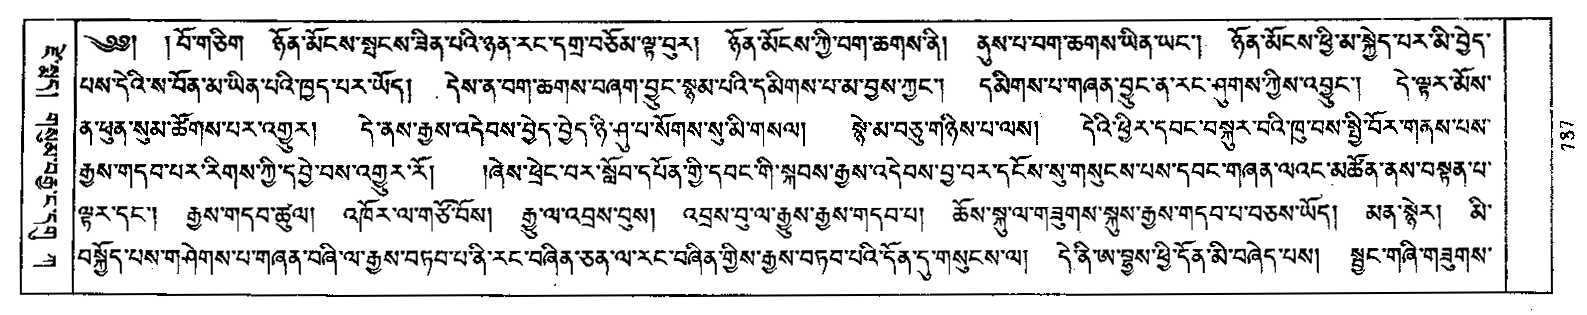༄༅། །བོ་གཅིག། ཉོན་མོངས་སྤངས་ཟིན་པའི་ཉན་རང་དགྲ་བཅོམ་ལྟ་བུར། ཉོན་མོངས་ཀྱི་བག་ཆགས་ནི། ནུས་པ་བག་ཆགས་ཡིན་ཡང་། ཉོན་མོངས་ཕྱི་མ་སྐྱེད་པར་མི་བྱེད་
པས་དེའི་ས་བོན་མ་ཡིན་པའི་ཁྱད་པར་ཡོད། དེས་ན་བག་ཆགས་བཞག་བྱུང་སྙམ་པའི་དམིགས་པ་མ་བྱས་ཀྱང་། དམིགས་པ་གཞན་བྱུང་ན་རང་ཤུགས་ཀྱིས་འབྱུང་། དེ་ལྟར་མོས་
ན་ཕུན་སུམ་ཚོགས་པར་འགྱུར། དེ་ནས་རྒྱས་འདེབས་བྱེད་བྱེད་ཉི་ཤུ་པ་སོགས་སུ་མི་གསལ། སྙེ་མ་བཅུ་གཉིས་པ་ལས། དེའི་ཕྱིར་དབང་བསྐུར་བའི་ཁུ་བས་སྤྱི་བོར་གནས་པས་
རྒྱས་གདབ་པར་རིགས་ཀྱི་དབྱེ་བས་འགྱུར་རོ། །ཞེས་ཕྲེང་བར་སློབ་དཔོན་གྱི་དབང་གི་སྐབས་རྒྱས་འདེབས་བྱ་བར་དངོས་སུ་གསུངས་པས་དབང་གཞན་ལའང་མཚོན་ནས་བསྟན་པ་
ལྟར་དང་། རྒྱས་གདབ་ཚུལ། འཁོར་ལ་གཙོ་བོས། རྒྱུ་ལ་འབྲས་བུས། འབྲས་བུ་ལ་རྒྱུས་རྒྱས་གདབ་པ། ཆོས་སྐུ་ལ་གཟུགས་སྐུས་རྒྱས་གདབ་པ་བཅས་ཡོད། མན་སྙེར། མི་
བསྐྱོད་པས་གཤེགས་པ་གཞན་བཞི་ལ་རྒྱས་བཏབ་པ་ནི་རང་བཞིན་ཅན་ལ་རང་བཞིན་གྱིས་རྒྱས་བཏབ་པའི་དོན་དུ་གསུངས་ལ། དེ་ནི་ཨ་བྷྱས་ཕྱི་དོན་མི་བཞེད་པས། སྦྱང་གཞི་གཟུགས་